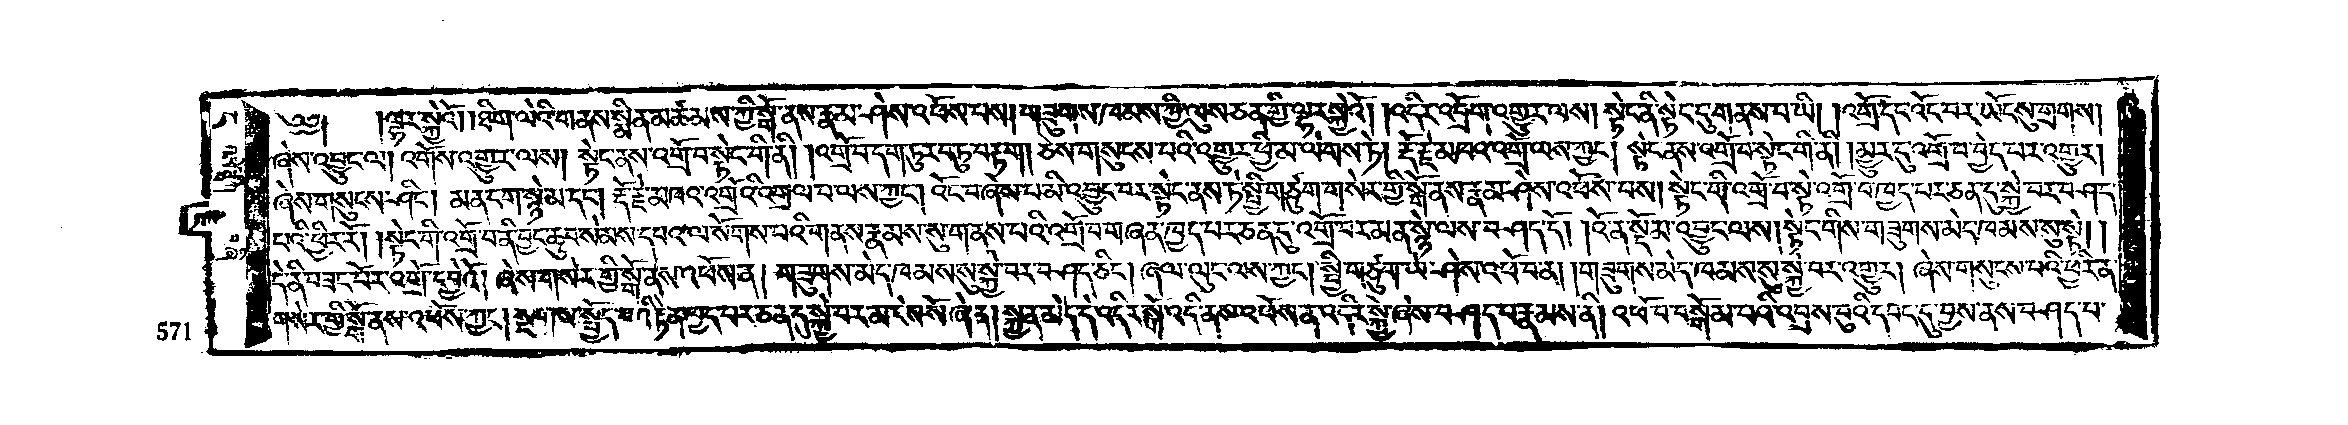༄༅། །ལྷར་སྐྱེའོ། །ཐིག་ལེའི་གནས་སྨིན་མཚམས་ཀྱི་སྒོ་ནས་རྣམ་ཤེས་འཕོས་པས། གཟུགས་ཁམས་ཀྱི་ལུས་ཅན་གྱི་ལྷར་སྐྱེའོ། །འདིར་འབྲོག་འགྱུར་ལས། སྟེང་ནི་སྟེང་དུ་གནས་པ་ཡི། །འགྲོ་དང་འོང་བར་ཡོངས་སུ་གྲགས།
ཞེས་འབྱུང་ལ། འགོས་འགྱུར་ལས། སྟེང་ནས་འགྲོ་བ་སྟེང་གི་ནི། །འགྲོ་བ་དག་ཏུ་རབ་ཏུ་བརྟག །ཅེས་གསུངས་པའི་འགྱུར་ཕྱི་མ་ལེགས་ཏེ། རྡོ་རྗེ་མཁའ་འགྲོ་ལས་ཀྱང་། སྟེང་ནས་འགྲོ་བ་སྟེང་གི་ནི། །མྱུར་དུ་འགྲོ་བ་བྱེད་པར་འགྱུར།
ཞེས་གསུངས་ཤིང་། མན་ངག་སྙེ་མ་དང་། རྡོ་རྗེ་མཁའ་འགྲོའི་འགྲེལ་བ་ལས་ཀྱང་། འོང་བ་ཞེས་པ་མི་འབྱུང་བར་སྟེང་ནས་ཏེ་སྤྱི་གཙུག་གསེར་གྱི་སྒོ་ནས་རྣམ་ཤེས་འཕོས་པས། སྟེང་གི་འགྲོ་བ་སྟེ་འགྲོ་བ་ཁྱད་པར་ཅན་དུ་སྐྱེ་བར་བཤད་
པའི་ཕྱིར་རོ། །སྟེང་གི་འགྲོ་བ་ནི་བྱང་ཆུབ་སེམས་དཔའ་ལ་སོགས་པའི་གནས་རྣམས་སུ་གནས་པའི་འགྲོ་བ་གཞན་ཁྱད་པར་ཅན་དུ་འགྲོ་བར་མན་སྙེ་ལས་བཤད་དོ། །འོ་ན་སྡོམ་འབྱུང་ལས། སྟེང་གིས་གཟུགས་མེད་ཁམས་སུ་སྟེ། །
དེ་ནི་བཟང་པོར་འགྲོ་དབྱེའོ། ཞེས་གསེར་གྱི་སྒོ་ནས་འཕོས་ན། གཟུགས་མེད་ཁམས་སུ་སྐྱེ་བར་བཤད་ཅིང་། ཞལ་ལུང་ལས་ཀྱང་། སྤྱི་གཙུག་ཡེ་ཤེས་འཕོ་བ་ན། །གཟུགས་མེད་ཁམས་སུ་སྐྱེ་བར་འགྱུར། ཞེས་གསུངས་པའི་ཕྱིར་ན་
གསེར་གྱི་སྒོ་ནས་འཕོས་ཀྱང་། སྔགས་སྤྱོད་པའི་རྟེན་ཁྱད་པར་ཅན་དུ་སྐྱེ་བར་མ་ངེས་སོ་ཞེ་ན། སྐྱོན་མེད་དེ་འདིར་སྒོ་འདི་ནས་འཕོས་ན་འདིར་སྐྱེ་ཞེས་བཤད་པ་རྣམས་ནི། འཕོ་བ་བསྒོམ་པའི་འབྲས་བུའི་དབང་དུ་བྱས་ནས་བཤད་པ་